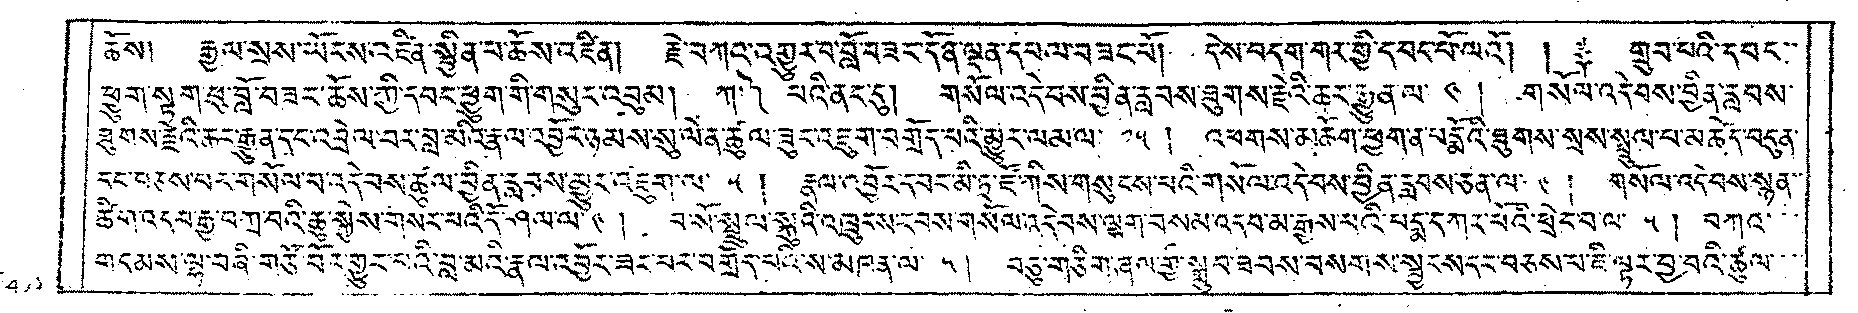ཆོས། རྒྱལ་སྲས་ཡོངས་འཛིན་སྦྱིན་པ་ཆོས་འཛིན། རྗེ་བཀའ་འགྱུར་བ་བློ་བཟང་དོན་ལྡན་དཔལ་བཟང་པོ། དེས་བདག་གར་གྱི་དབང་པོ་ལའོ། །༈ གྲུབ་པའི་དབང་
ཕྱུག་སྟག་ཕུ་བློ་བཟང་ཆོས་ཀྱི་དབང་ཕྱུག་གི་གསུང་འབུམ། ཀ྄་པའི་ནང་དུ། གསོལ་འདེབས་བྱིན་རླབས་ཐུགས་རྗེའི་ཆར་རྒྱུན་ལ ༤། གསོལ་འདེབས་བྱིན་རླབས་
ཐུགས་རྗེའི་ཆར་རྒྱུན་དང་འབྲེལ་བར་བླ་མའི་རྣལ་འབྱོར་ཉམས་སུ་ལེན་ཚུལ་ཟུང་འཇུག་བགྲོད་པའི་མྱུར་ལམ་ལ ༡༥། འཕགས་མཆོག་ཕྱག་ན་པདམོའི་ཐུགས་སྲས་སྤྲུལ་པ་མཆེད་བདུན་
དང་བཅས་པར་གསོལ་བ་འདེབས་ཚུལ་བྱིན་རླབས་མྱུར་འཇུག་ལ ༥། རྣལ་འབྱོར་དབང་མི་ཏྲ་ཛོ་ཀིས་གསུངས་པའི་གསོལ་འདེབས་བྱིན་རླབས་ཅན་ལ ༤། གསོལ་འདེབས་སྙན་
ཚིག་འདབ་རྒྱ་བཀྲ་བའི་ཆུ་སྐྱེས་གསར་པའི་དོ་ཤལ་ལ ༤། བ་སོ་སྤྲུལ་སྐུའི་འཁྲུངས་རབས་གསོལ་འདེབས་ལྷག་བསམ་འདབ་མ་རྒྱས་པའི་པདམ་དཀར་པོའི་ཕྲེང་བ་ལ ༥། བཀའ་
གདམས་ལྷ་བཞི་གཙོ་བོར་གྱུར་པའི་བླ་མའི་རྣལ་འབྱོར་ཐར་པར་བགྲོད་པའི་ས་མཁན་ལ ༥། བཅུ་གཅིག་ཞལ་གྱི་སྒྲུབ་ཐབས་བསགས་སྦྱངས་དང་བཅས་པ་ཇི་ལྟར་བྱ་བའི་ཚུལ་